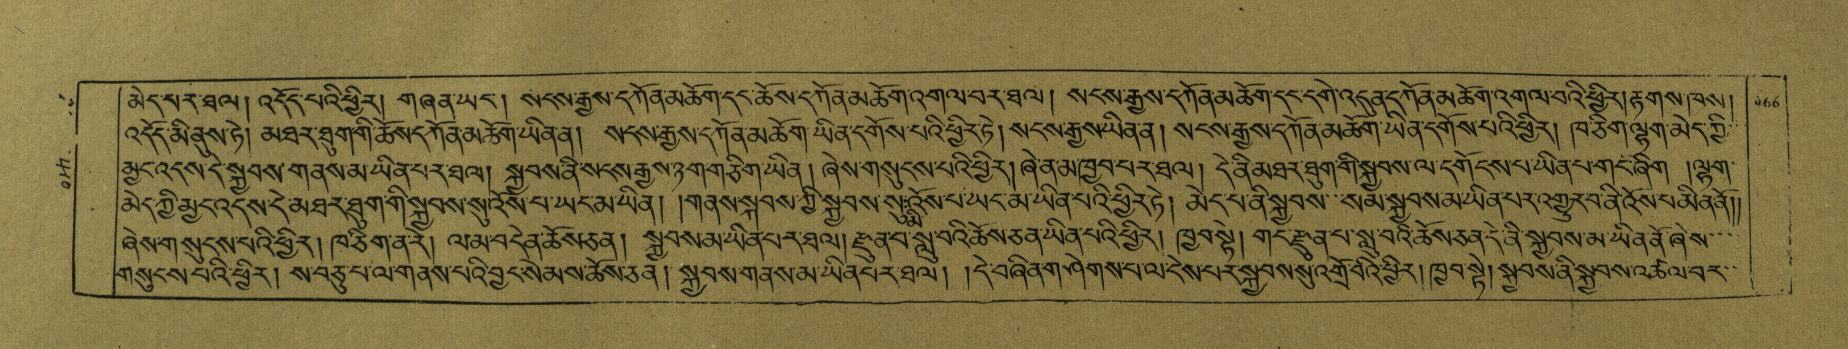མེད་པར་ཐལ། འདོད་པའི་ཕྱིར། གཞན་ཡང་། སངས་རྒྱས་དཀོན་མཆོག་དང་ཆོས་དཀོན་མཆོག་འགལ་བར་ཐལ། སངས་རྒྱས་དཀོན་མཆོག་དང་དགེ་འདུན་དཀོན་མཆོག་འགལ་བའི་ཕྱིར། རྟགས་ཁས།
འདོད་མི་ནུས་ཏེ། མཐར་ཐུག་གི་ཆོས་དཀོན་མཆོག་ཡིན་ན། སངས་རྒྱས་དཀོན་མཆོག་ཡིན་དགོས་པའི་ཕྱིར་ཏེ། སངས་རྒྱས་ཡིན་ན། སངས་རྒྱས་དཀོན་མཆོག་ཡིན་དགོས་པའི་ཕྱིར། ཁ་ཅིག་ལྷག་མེད་ཀྱི་
མྱང་འདས་དེ་སྐྱབས་གནས་མ་ཡིན་པར་ཐལ། སྐྱབས་ནི་སངས་རྒྱས་ཉག་གཅིག་ཡིན། ཞེས་གསུངས་པའི་ཕྱིར། ཞེ་ན་མ་ཁྱབ་པར་ཐལ། དེ་ནི་མཐར་ཐུག་གི་སྐྱབས་ལ་དགོངས་པ་ཡིན་པ་གང་ཞིག །ལྷག་
མེད་ཀྱི་མྱང་འདས་དེ་མཐར་ཐུག་གི་སྐྱབས་སུ་འོས་པ་ཡང་མ་ཡིན། །གནས་སྐབས་ཀྱི་སྐྱབས་སུ་མི་འོས་པ་ཡང་མ་ཡིན་པའི་ཕྱིར་ཏེ། མེད་པ་ནི་སྐྱབས་སམ་སྐྱབས་མ་ཡིན་པར་འགྱུར་བ་ནི་འོས་པ་མིན་ནོ།།
ཞེས་གསུངས་པའི་ཕྱིར། ཁ་ཅིག་ན་རེ། ལམ་བདེན་ཆོས་ཅན། སྐྱབས་མ་ཡིན་པར་ཐལ། རྫུན་བ་སླུ་བའི་ཆོས་ཅན་ཡིན་པའི་ཕྱིར། ཁྱབ་སྟེ། གང་རྫུན་པ་སླུ་བའི་ཆོས་ཅན་དེ་ནི་སྐྱབས་མ་ཡིན་ནོ་ཞེས་
གསུངས་པའི་ཕྱིར། ས་བཅུ་པ་ལ་གནས་པའི་བྱང་སེམས་ཆོས་ཅན། སྐྱབས་གནས་མ་ཡིན་པར་ཐལ། །དེ་བཞིན་གཤེགས་པ་ལ་ངེས་པར་སྐྱབས་སུ་འགྲོ་བའི་ཕྱིར། ཁྱབ་སྟེ། སྐྱབས་ནི་སྐྱབས་འཚལ་བར་